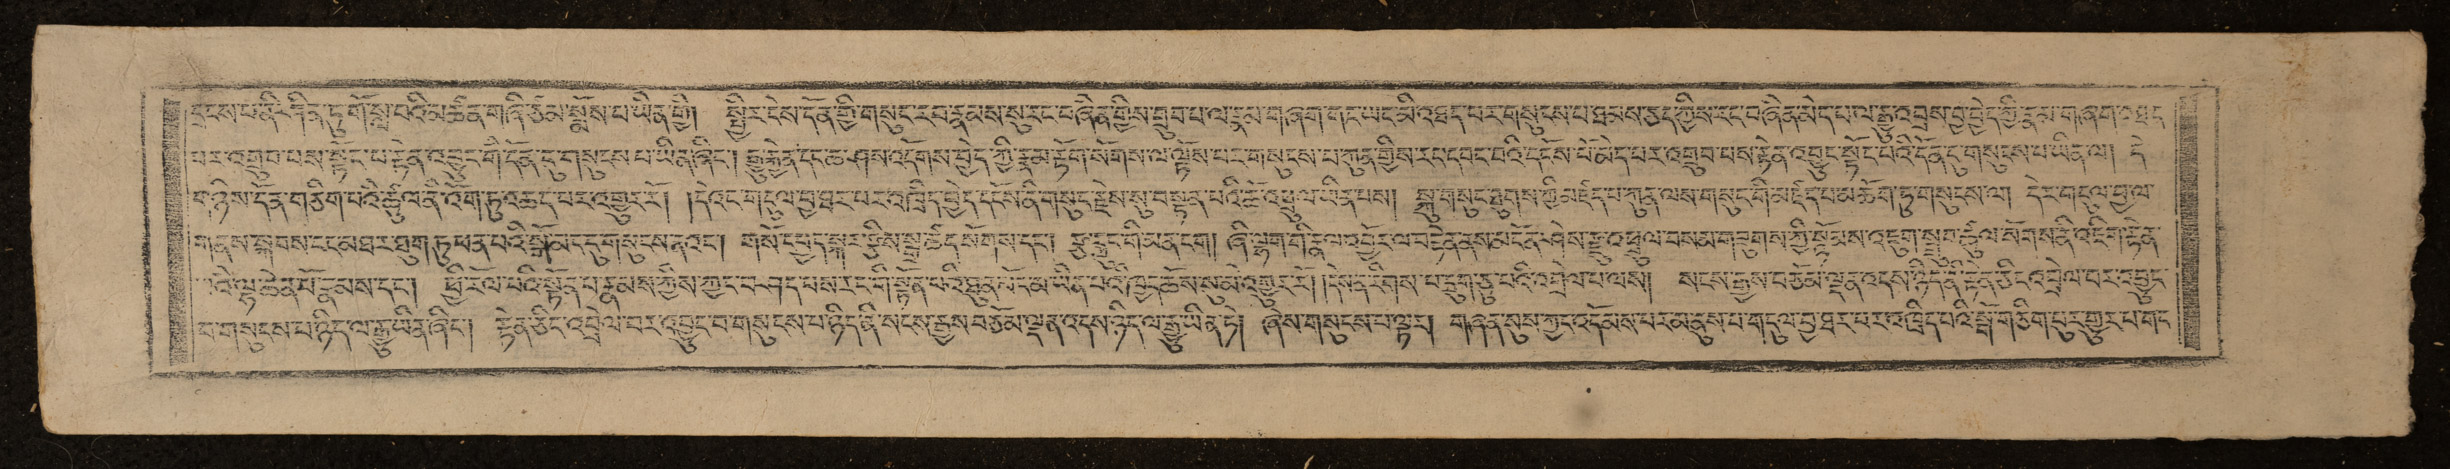དྲངས་པ་ནི་ཤིན་ཏུ་གོ་སླ་བའི་མཚན་གཞི་ཙམ་སྨོས་པ་ཡིན་གྱི། སྤྱིར་ངེས་དོན་གྱི་གསུང་རབ་རྣམས་སུ་རང་བཞིན་གྱིས་གྲུབ་བ་ལ་རྣམ་གཞག་གང་ཡང་མི་འཐད་པར་གསུངས་པ་ཐམས་ཅད་ཀྱིས་རང་བཞིན་མེད་བ་ལ་རྒྱུ་འབྲས་བྱ་བྱེད་ཀྱི་རྣམ་གཞག་འཐད་
བར་འགྲུབ་པས་སྟོང་བརྟེན་འབྱུང་གི་དོན་དུ་གསུངས་བ་ཡིན་ཞིང་། རྒྱུ་རྐྱེན་དང་ཆ་ཤས་འདོགས་བྱེད་ཀྱི་རྣམ་རྟོག་སོགས་ལ་ལྟོས་བར་གསུངས་པ་ཀུན་གྱིས་རང་དབང་བའི་དངོས་བོ་མེད་པར་འགྲུབ་པས་རྟེན་འབྱུང་སྟོང་པའི་དོན་དུ་གསུངས་པ་ཡིན་ལ། དེ་
གཉིས་དོན་གཅིག་བའི་ཚུལ་ནི་འོག་ཏུ་འཆད་པར་འགྱུར་རོ། །དེའང་གདུལ་བྱ་ཐར་པར་འཁྲིད་བྱེད་དངོས་ནི་གསུང་རྗེས་སུ་བསྟན་པའི་ཆོ་འཕྲུལ་ཡིན་པས། སྐུ་གསུང་ཐུགས་ཀྱི་མཛད་པ་ཀུན་ལས་གསུང་གི་མཛད་བ་མཆོག་ཏུ་གསུངས་ལ། དེར་གདུལ་བྱ་ལ་
གནས་སྐབས་དང་མཐར་ཐུག་ཏུ་ཕན་བའི་སྒོ་མང་དུ་གསུངས་ནའང་། གསོ་དཔྱད་སྐར་རྩིས་སྒྲ་ཚད་སོགས་དང་། རྩ་རླུང་གི་མན་ངག། ཞི་ལྷག་གི་རྣལ་འབྱོར་ལ་བརྟེན་ནས་མངོན་ཤེས་རྫུ་འཕྲུལ་བསམ་གཟུགས་ཀྱི་སྙོམས་འཇུག་སྒྲུབ་ཚུལ་སོགས་ནི་འཇིག་རྟེན་
བའི་ལྷ་ཆེན་པོ་རྣམས་དང་། ཕྱི་རོལ་པའི་སྟོན་པ་རྣམས་ཀྱིས་ཀྱང་བཤད་པས་རང་གི་སྟོན་པའི་ཐུན་མོང་མ་ཡིན་པའི་ཁྱད་ཆོས་སུ་མི་འགྱུར་རོ། །དེས་ན་རིགས་པ་དྲུག་ཅུ་པའི་འགྲེལ་པ་ལས། སངས་རྒྱས་བཅོམ་ལྡན་འདས་ཉིད་ནི་རྟེན་ཅིང་འབྲེལ་བར་འབྱུང་
བ་གསུངས་པ་ཉིད་ལ་རྒྱུ་ཡིན་ཞིང་། རྟེན་ཅིང་འབྲེལ་བར་འབྱུང་བ་གསུངས་པ་ཉིད་ནི་སངས་རྒྱས་བཅོམ་ལྡན་འདས་ཉིད་ལ་རྒྱུ་ཡིན་ཏེ། ཞེས་གསུངས་བ་ལྟར། གཞན་སུས་ཀྱང་འདོམས་པར་མ་ནུས་པ་གདུལ་བྱ་ཐར་པར་འཁྲིད་པའི་སྒོག་ཅིག་བུར་གྱུར་པ་གང་